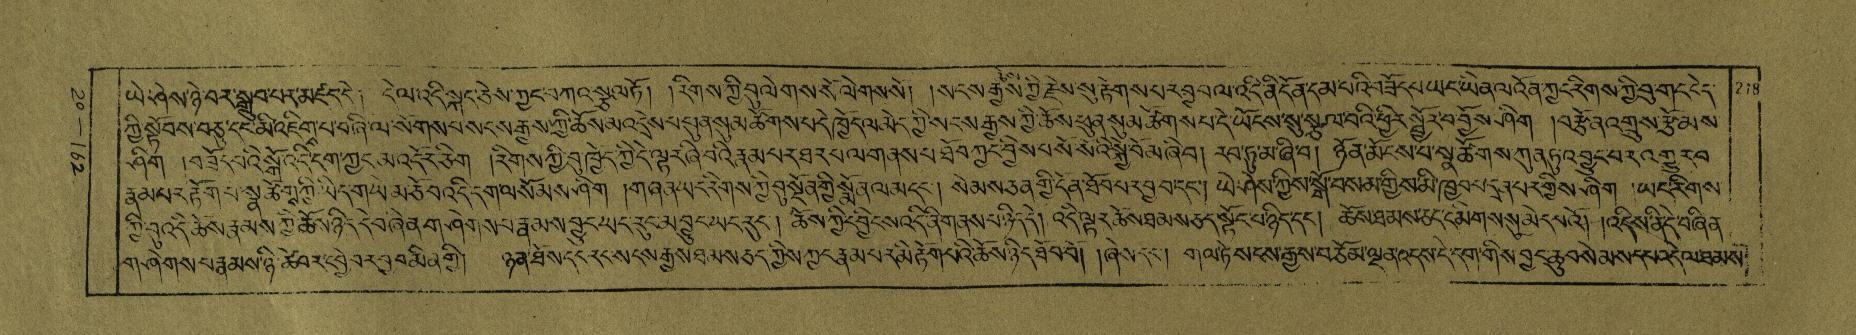ཡེ་ཤེས་ཉེ་བར་སྒྲུབ་པར་མཛད་དེ། དེ་ལ་འདི་སྐད་ཅེས་ཀྱང་བཀའ་སྩོལ་ཏོ། །རིགས་ཀྱི་བུ་ལེགས་སོ་ལེགས་སོ། །སངས་རྒྱས་ཆོས་ཀྱི་རྗེས་སུ་རྟོགས་པར་བྱ་བ་ལ་འདི་ནི་དོན་དམ་པའི་བཟོད་པ་ཡང་ཡིན་ལ་འོན་ཀྱང་རིགས་ཀྱི་བུ་གང་ངེད་
ཀྱི་སྟོབས་བཅུ་དང་མི་འཇིགས་པ་བཞི་ལ་སོགས་པ་སངས་རྒྱས་ཀྱི་ཆོས་མ་འདྲེས་པ་ཕུན་སུམ་ཚོགས་པ་དེ་ཁྱོད་ལ་མེད་ཀྱི་སངས་རྒྱས་ཀྱི་ཆོས་ཕུན་སུམ་ཚོགས་པ་དེ་ཡོངས་སུ་སྩལ་བའི་ཕྱིར་སྦྱོར་བ་བྱོས་ཤིག །བརྩོན་འགྲུས་རྩོམས་
ཤིག །བཟོད་པའི་སྒོ་འདི་དག་ཀྱང་མ་འདོར་ཅིག །རིགས་ཀྱི་བུ་ཁྱོད་ཀྱི་དེ་ལྟར་ཞི་བའི་རྣམ་པར་ཐར་པ་ལ་གནས་པ་ཐོབ་ཀྱང་བྱིས་པ་སོ་སོའི་སྐྱེ་བོ་མ་ཞི་བ། རབ་ཏུ་མ་ཞི་བ། ཉོན་མོངས་པ་སྣ་ཚོགས་ཀུན་ཏུ་འབྱུང་བར་འགྱུར་བ་
རྣམ་པར་རྟོག་པ་སྣ་ཚོགས་ཀྱི་ཡིད་གཡེམ་ཅོ་བ་འདི་དག་ལ་སོམས་ཤིག །གཞན་ཡང་རིགས་ཀྱི་བུ་སྔོན་གྱི་སྨོན་ལམ་དང་། སེམས་ཅན་གྱི་དོན་ཐོབ་པར་བྱ་བ་དང་། ཡེ་ཤེས་ཀྱིས་སྒོ་བསམ་གྱིས་མི་ཁྱབ་པ་དྲན་པར་གྱིས་ཤིག །ཡང་རིགས་
ཀྱི་བུ་འདི་ཆོས་རྣམས་ཀྱི་ཆོས་ཉིད་དེ་བཞིན་གཤེགས་པ་རྣམས་བྱུང་ཡང་རུང་མ་བྱུང་ཡང་རུང་། ཆོས་ཀྱི་དབྱིངས་འདི་ནི་གནས་པ་ཉིད་དེ། འདི་ལྟར་ཆོས་ཐམས་ཅད་སྟོང་བ་ཉིད་དང་། ཆོས་ཐམས་ཅད་དམིགས་སུ་མེད་པའོ། །འདིས་ནི་དེ་བཞིན་
གཤེགས་པ་རྣམས་ཉི་ཚེ་བར་དབྱེ་བར་བྱ་བ་མིན་གྱི། ཉན་ཐོས་དང་རང་སངས་རྒྱས་ཐམས་ཅད་ཀྱིས་ཀྱང་རྣམ་པར་མི་རྟོག་གྤའི་ཆོས་ཉིད་ཐོབ་བོ། །ཞེས་དང་། གལ་ཏེ་སངས་རྒྱས་བཅོམ་ལྡན་འདས་དེ་དག་གིས་བྱང་ཆུབ་སེམས་དཔའ་དེ་ལ་ཐམས་